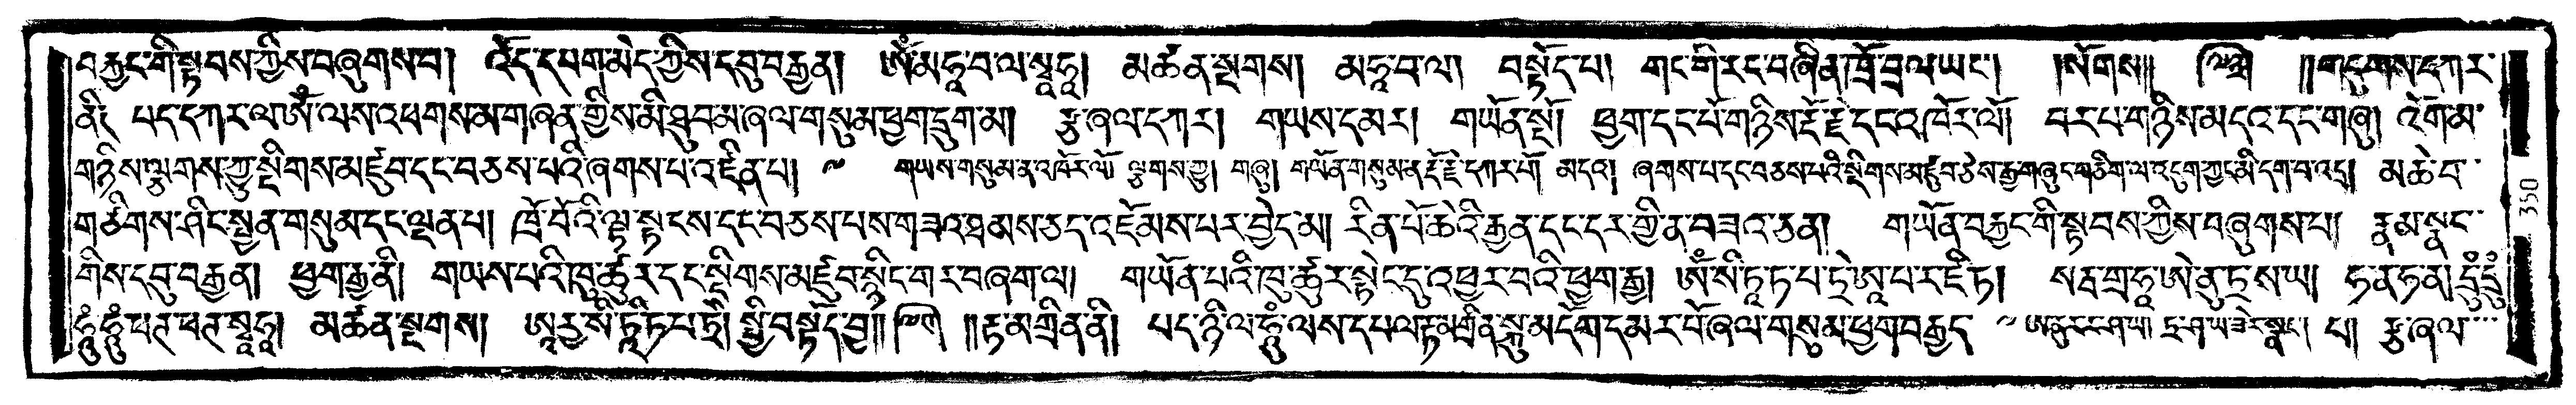བརྐྱང་གི་སྟབས་ཀྱིས་བཞུགས་བ། འོད་དཔག་མེད་ཀྱིས་དབུ་བརྒྱན། ཨོཾ་མཧཱ་བ་ལ་སྭཱཧཱ། མཚན་སྔགས། མཧཱ་བ་ལ། བསྟོད་པ། གང་གི་རང་བཞིན་ཁྲོ་བྲལ་ཡང་། །སོགས།། ༧༣?་།།གདུགས་དཀར་
ནི༑ པད་དཀར་ལ་ཨོཾ་ལས་འཕགས་མ་གཞན་གྱིས་མི་ཐུབ་མ་ཞལ་གསུམ་ཕྱག་དྲུག་མ། རྩ་ཞལ་དཀར། གཡས་དམར། གཡོན་སྔོ། ཕྱག་དང་པོ་གཉིས་རྡོ་རྗེ་དང་འཁོར་ལོ། བར་པ་གཉིས་མདའ་དང་གཞུ། འོག་མ་
གཉིས་ལྕགས་ཀྱུ་སྡིགས་མཛུབ་དང་བཅས་པའི་ཞགས་པ་འཛིན་པ། ༧་གཡས་གསུམ་ན་འཁོར་ལོ། ལྕགས་ཀྱུ། གཞུ། གཡོན་གསུམ་ན་རྡོ་རྗེ་དཀར་པོ། མདའ། ཞགས་པ་དང་བཅས་པའི་སྡིགས་མཛུབ་ཅེས་རྒྱ་གཞུང་གཅིག་ལ་འདུག་ཀྱང་མི་དག་བ་འདྲ། མཆེ་བ་
གཙིགས་ཤིང་སྤྱན་གསུམ་དང་ལྡན་པ། ཁྲོ་བོའི་ལྟ་སྟངས་དང་བཅས་པས་གཟའ་ཐམས་ཅད་འཇོམས་པར་བྱེད་མ། རིན་པོ་ཆེའི་རྒྱན་དང་དར་གྱི་ན་བཟའ་ཅན། གཡོན་བརྐྱང་གི་སྟབས་ཀྱིས་བཞུགས་པ། རྣམ་སྣང་
གིས་དབུ་བརྒྱན། ཕྱག་རྒྱ་ནི། གཡས་པའི་ཁུ་ཚུར་དང་སྡིགས་མཛུབ་སྙིང་གར་བཞག་ལ། གཡོན་པའི་ཁུ་ཚུར་སྟེང་དུ་འཕྱར་བའི་ཕྱག་རྒྱ། ཨོཾ་སི་ཏཱ་ཏ་པ་ཏྲེ་ཨཱ་པ་ར་ཛི་ཏ། སརྦ་གྲ་ཧཱ་ཨེ་ནུ་ཏྲ་ས་ཡ། ཧ་ན་ཧ་ན། དྲུཾ་དྲུཾ་
ཧཱུཾ་ཧཱུཾ་ཕཊ་ཕཊ་སྭཱཧཱ། མཚན་སྔགས། ཨཱརྱ་སི་ཏཱི་ཏ་པ་ཏྲཻ། སྤྱི་བསྟོད་བྱ།། ༧༤?་།།རྟ་མགྲིན་ནི། པད་ཉི་ལ་ཧཱུཾ་ལས་དཔལ་རྟ་མགྲིན་སྐུ་མདོག་དམར་པོ་ཞལ་གསུམ་ཕྱག་བརྒྱད་༧་ཨ་ནུར་ར་ཤ་ཡ། ཏྲ་ཤ་ཡ་ཟེར་སྣང་། པ། རྩ་ཞལ་